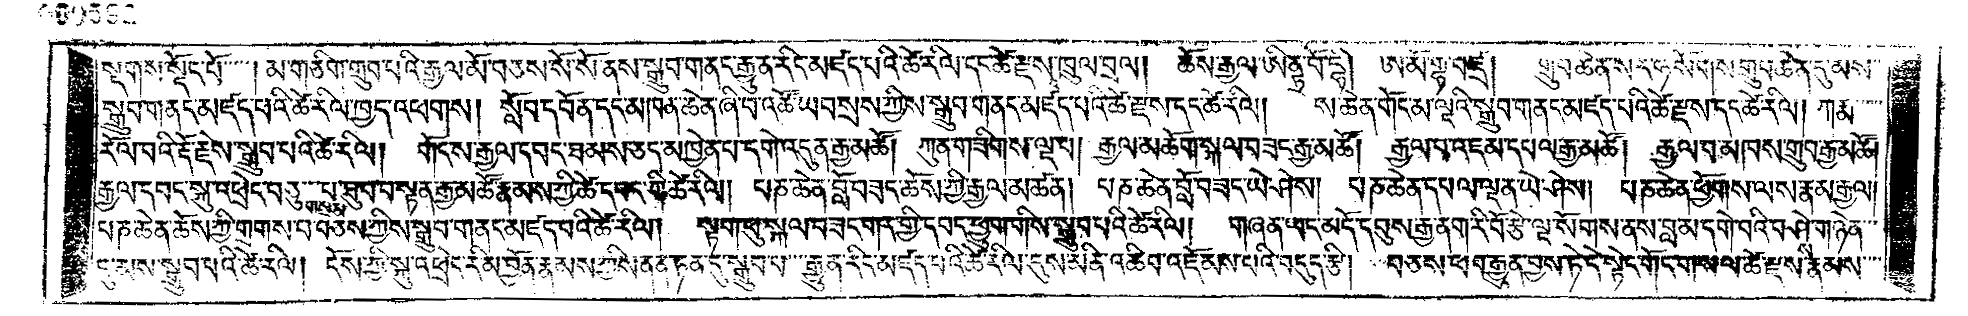སྔགས་སྡོང་པོ། མ་གཅིག་གྲུབ་པའི་རྒྱལ་མོ་བཅས་སོ་སོ་ནས་སྒྲུབ་གནང་རྒྱུན་རིང་མཛད་པའི་ཚེ་རིལ་དང་ཚེ་རྫས་ཁྲུལ་བྲལ། ཆོས་རྒྱལ་ཨིཎྟྲ་བོ་དྷི། ཨ་མོ་གྷ་བཛྲ། གྲུབ་ཆེན་ས་ར་ཧ་སོགས་གྲུབ་ཆེན་དུ་མས་
སྒྲུབ་གནང་མཛད་པའི་ཚེ་རིལ་ཁྱད་འཕགས། སློབ་དབོན་དང་མཁན་ཆེན་ཞི་བ་འཚོ་ཡབ་སྲས་ཀྱིས་སྒྲུབ་གནང་མཛད་པའི་ཚེ་རྫས་དང་ཚེ་རིལ། ས་ཆེན་གོང་མ་ལྔའི་སྒྲུབ་གནང་མཛད་པའི་ཚེ་རྫས་དང་ཚེ་རིལ། ཀརྨ་
རོལ་བའི་རྡོ་རྗེས་སྒྲུབ་པའི་ཚེ་རིལ། གོང་ས་རྒྱལ་དབང་ཐམས་ཅད་མཁྱེན་པ་དགེ་འདུན་རྒྱ་མཚོ། ཀུན་གཟིགས་ལྔ་པ། རྒྱལ་མཆོག་སྐལ་བཟང་རྒྱ་མཚོ། རྒྱལ་བ་འཇམ་དཔལ་རྒྱ་མཚོ། རྒྱལ་བ་མཁས་གྲུབ་རྒྱ་མཚོ།
རྒྱལ་དབང་སྐུ་འཕྲེང་བཅུ་གསུམ་པ་ཐུབ་བསྟན་རྒྱ་མཚོ་རྣམས་ཀྱི་ཚེ་དབང་གི་ཚེ་རིལ། པཎ་ཆེན་བློ་བཟང་ཆོས་ཀྱི་རྒྱལ་མཚན། པཎ་ཆེན་བློ་བཟང་ཡེ་ཤེས། པཎ་ཆེན་དཔལ་ལྡན་ཡེ་ཤེས། པཎ་ཆེན་ཕྱོགས་ལས་རྣམ་རྒྱལ།
པཎ་ཆེན་ཆོས་ཀྱི་གྲགས་པ་བཅས་ཀྱིས་སྒྲུབ་གནང་མཛད་པའི་ཚེ་རིལ། སྟག་ཕུ་སྐལ་བཟང་གར་གྱི་དབང་ཕྱུག་གིས་སྒྲུབ་པའི་ཚེ་རིལ། གཞན་ཡང་མདོ་དབུས་རྒྱ་ནག་རི་བོ་རྩེ་ལྔ་སོགས་ནས་བླ་མ་དགེ་བའི་བཤེ་གཉེན་
དུ་མས་སྒྲུབ་པའི་ཚེ་རིལ། ངོས་ཀྱི་སྐུ་འཕྲེང་རིམ་བྱོན་རྣམས་ཀྱིས་ནན་ཏན་དུ་སྒྲུབ་པ་རྒྱུན་རིང་མཛད་པའི་ཚེ་རིལ་དུས་མིན་འཆི་བ་འཇོམས་པའི་བདུད་རྩི། བཅས་ཕབ་རྒྱུན་བྱས་ཏེ་དེ་སྟེང་གོང་གསལ་ཚེ་རྫས་རྣམས་